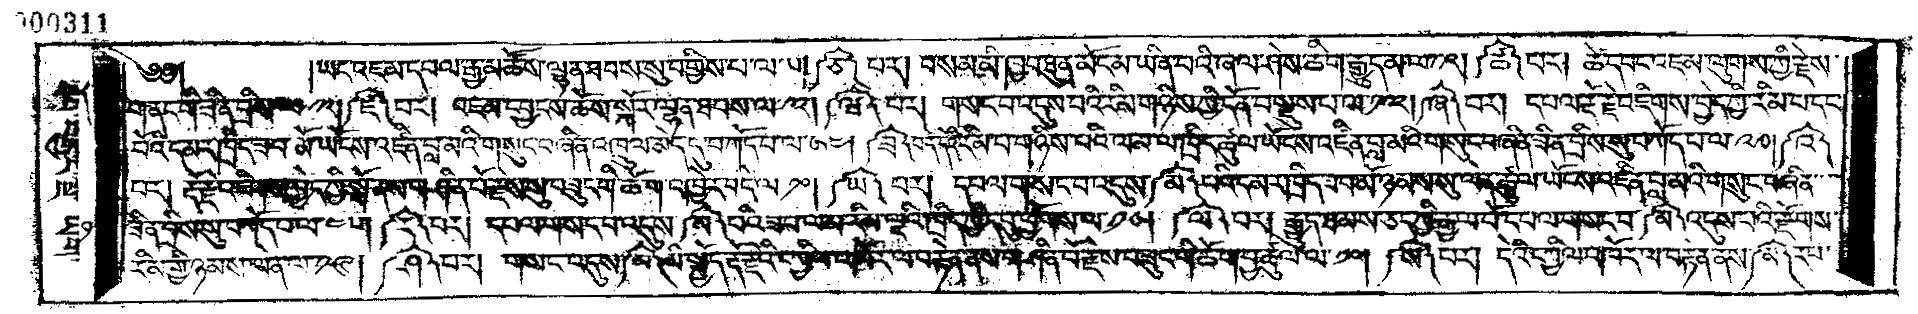༄༅། །ཡང་འཇམ་དཔལ་རྒྱ་མཚོས་ལྷན་ཐབས་སུ་བགྱིས་པ་ལ ༥། ༼ཅ༽ པར། བསམ་མི་ཁྱབ་ཐུན་མོང་མ་ཡིན་པའི་ཞལ་ཤེས་ཆིག་རྒྱུད་མ་ལ ༡༢། ༼ཚ༽ པར། ཚེ་དབང་འཇམ་ལུགས་ཀྱི་རྗེས་
གནང་གི་ཟིན་བྲིས་ལ ༣། ༼ཛ༽ པར། འཇམ་དབྱངས་ཆོས་སྐོར་ལྷན་ཐབས་ལ ༣། ༼ཝ༽ པར། གསང་བ་འདུས་པའི་རིམ་གཉིས་ཀྱི་དོན་བསྡུས་པ་ལ ༡༣། ༼ཞ༽ པར། དཔལ་རྡོ་རྗེ་འཇིགས་བྱེད་ཀྱི་རིམ་པ་དང་
པོའི་དམར་ཁྲིད་ཟབ་མོ་ཡོངས་འཛིན་བླ་མའི་གསུང་བཞིན་འཁྲུལ་མེད་དུ་བཀོད་པ་ལ ༦༤། ༼ཟ༽ པར་དེའི་རིམ་པ་གཉིས་པའི་ལམ་ལ་ཁྲིད་ཚུལ་ཡོངས་འཛིན་བླ་མའི་གསུང་བཞིན་ཟིན་བྲིས་སུ་བཀོད་པ་ལ ༢༧། ༼འ༽
བར། རྡོ་རྗེ་འཇིགས་བྱེད་ཀྱི་སྒོ་ནས་གཤིན་པོ་རྗེས་སུ་བཟུང་གི་ཆོ་ག་འཁྱེར་བདེ་ལ ༡༠། ༼ཡ༽ བར། དཔལ་གསང་བ་འདུས ༼མ༽ པའི་དམར་ཁྲིད་ཟབ་མོ་ཉམས་སུ་ལེན་ཚུལ་ཡོངས་འཛིན་བླ་མའི་གསུང་བཞིན་
ཟིན་བྲིས་སུ་བཀོད་པ་ལ ༤༥། ༼ར༽ པར། དཔལ་གསང་པ་འདུས ༼མ༽ པའི་ཟབ་ལམ་རིམ་ལྔའི་ཁྲིད་ཀྱི་དབུ་ཕྱོགས་ལ ༡༦། ༼ལ༽ པར། རྒྱུད་ཐམས་ཅད་ཀྱི་རྒྱལ་པོ་དཔལ་གསང་བ ༼མ༽ འདུས་པའི་རྫོགས་
རིམ་གྱི་ཉམས་ལེན་ལ ༡༩། ༼ཤ༽ པར། གསང་འདུས ༼མ༽ མི་སྐྱོད་རྡོ་རྗེའི་དཀྱིལ་འཁོར་ལ་བརྟེན་ནས་གཤིན་པོ་རྗེས་བཟུང་གི་ཆོ་ག་བྱ་ཚུལ་ལ ༡༠། ༼ས༽ པར། དེའི་དཀྱིལ་འཁོར་ལ་བརྟེན་ནས ༼མ༽ རབ་